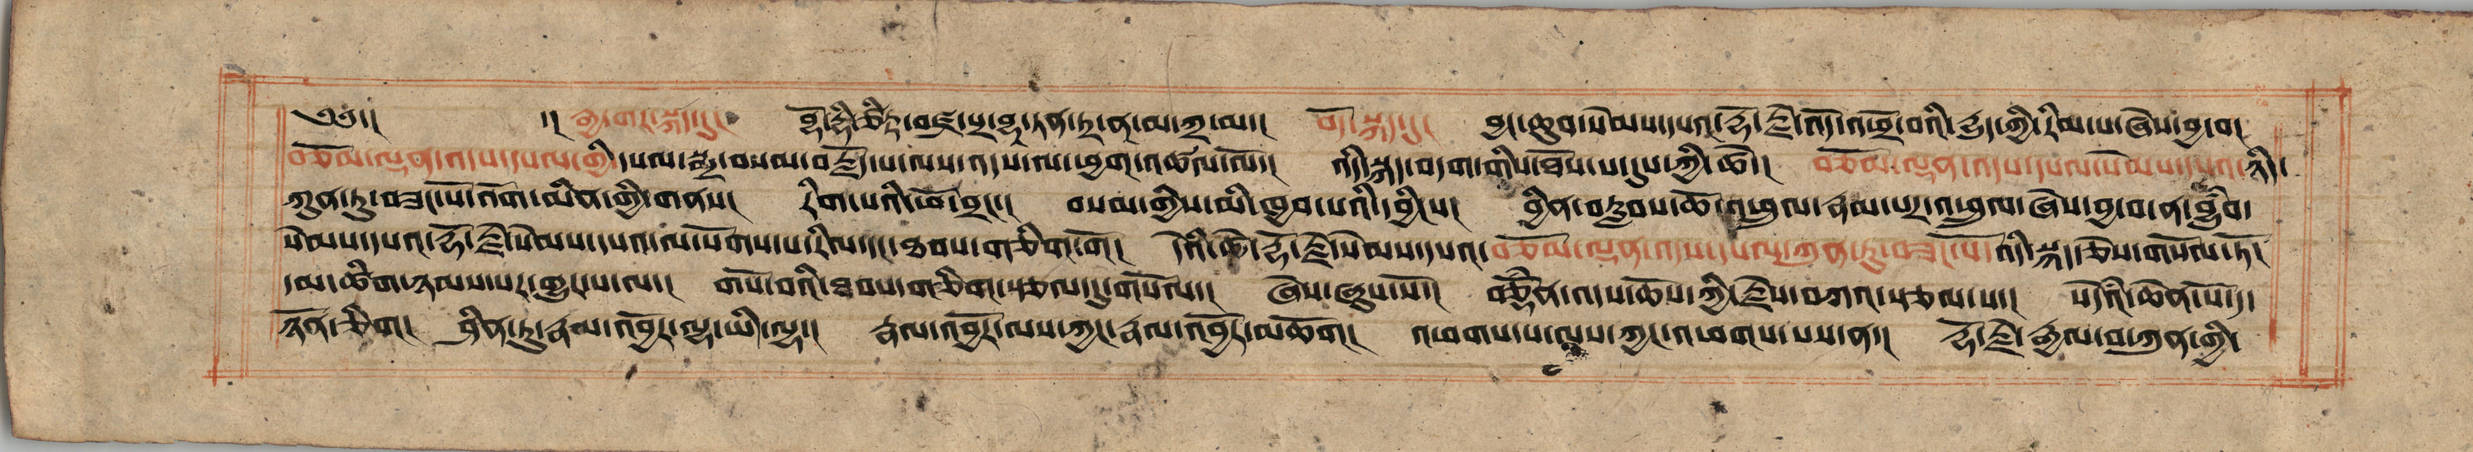༄༅་། ་།རྒྱ་གར་སྐད་དུ་། བྷོ་དྷིཙིཏྟ་བཛྲ་པྲ་བྷཱ་ཏན་ཏྲ་ནཱ་མ་ཀྲ་མ་། བོད་སྐད་དུ། བྱང་ཆུབ་སེམས་དཔའ་རྡོ་རྗེ་འོད་འཕྲོ་བའི་དྱུད་ཀྱི་རིམ་པ་ཞེས་བྱ་བ།
བཅོམ་ལྡན་འདས་དཔལ་གྱི་དཔལ་སྨྲ་བསམ་བརྗོད་པ་ལས་འདས་ལ་ཕྱག་འཚལ་ལོ་། འདི་སྐད་བདག་གིས་ཐོས་པ་དུས་གྱི་ཚེ་། བཅོམ་ལྡན་འདས་དཔལ་སེམས་དཔའ་ཉིད་
ཀུན་ཏུ་བཟང་པོ་འོག་མིན་གྱི་གནས། རིག་པའི་ཕོ་བྲང་། བསམ་གྱིས་མི་ཁྱབ་པའི་དབྱིངས་། བྱིན་བརླབས་ཆོ་འཕྲུལ་རྣམ་པར་འཕྲུལ་ཞེས་བྱ་བ་ན་བྱུབཾ་
སེམས་དཔའ་རྡོ་རྗེ་སེམས་དཔའ་ལ་སོགས་པ་རིལ་དང་ཐབས་གཅིག་གོ། དེའི་ཚེ་རྡོ་རྗེ་སེམས་དཔའ་བཅོམ་ལྡན་འདས་དཔལ་ཀུན་ཏུ་བཟང་པོ་འདི་སྐད་ཅེས་གསོལ་ཏོ།
དམ་ཚིག་ཉམས་པར་གྱུར་པ་ལ་། གསོ་བའི་ཐབས་གཅིག་སྩལ་དུ་གསོལ་། ཞེས་ཞུས་སོ་། བཅྡོཾན་འདས་ཆོས་ཀྱི་རྗེས་བཀའ་སྩལ་པ་། སོཾདའ་ཆེན་པོ་དུ་
ཉོན་ཅིག། ཤིན་ཏུ་རྣམ་འབྱོར་ལྷ་ཡི་ལྷ་། རྣལ་འབྱོར་ལས་ཀྱང་རྣལ་འབྱོར་མཆོག། འཕགས་པ་ལས་ཀྱང་འཕགས་པས་ན་། རྡོ་རྗེ་རྒྱལ་བ་ཀུན་གྱི་